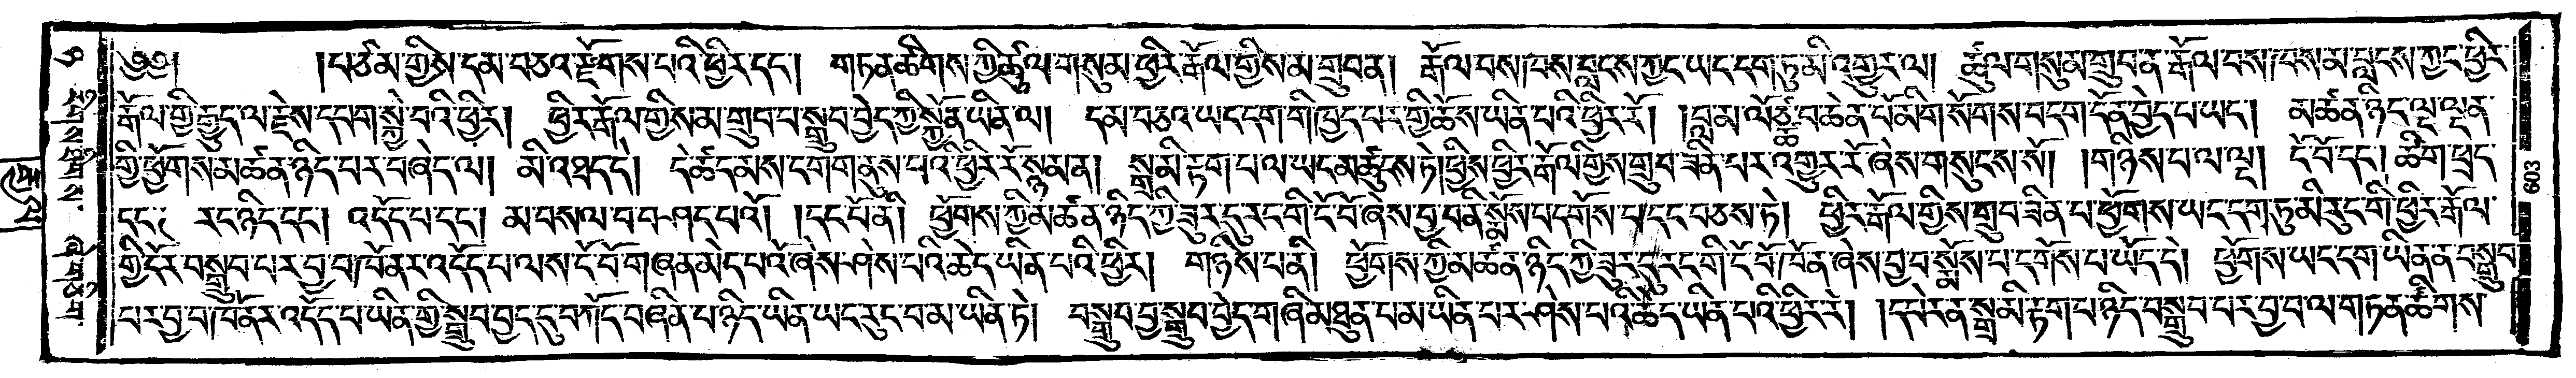༄༅། །པ་ཙམ་གྱིས་དམ་བཅའ་རྫོགས་པའི་ཕྱིར་དང་། གཏན་ཚིགས་ཀྱི་ཚུལ་གསུམ་ཕྱིར་རྒོལ་གྱིས་མ་གྲུབ་ན། རྒོལ་བས་ཁས་བླངས་ཀྱང་ཡང་དག་ཏུ་མི་འགྱུར་ལ། ཚུལ་གསུམ་གྲུབ་ན་རྒོལ་བས་ཁས་མ་བླངས་ཀྱང་ཕྱིར་
རྒོལ་གྱི་རྒྱུད་ལ་རྗེས་དཔག་སྐྱེ་བའི་ཕྱིར། ཕྱིར་རྒོལ་གྱིས་མ་གྲུབ་པ་སྒྲུབ་བྱེད་ཀྱི་སྐྱོན་ཡིན་ལ། དམ་བཅའ་ཡང་དག་གི་ཁྱད་པར་གྱི་ཆོས་ཡིན་པའི་ཕྱིར་རོ། །བླ་མ་ལོཙྪ་བ་ཆེན་པོ་མིག་སོགས་བདག་དོན་བྱེད་པ་ཡང་། མཚན་ཉིད་ལྔ་ལྡན་
གྱི་ཕྱོགས་མཚན་ཉིད་པར་བཞེད་ལ། མི་འཐད་དེ། དེ་ཚད་མས་དགག་ནུས་པའི་ཕྱིར་རོ་སྙམ་ན། སྒྲ་མི་རྟག་པ་ལ་ཡང་མཚུངས་ཏེ། ཕྱིས་ཕྱིར་རྒོལ་གྱིས་གྲུབ་ཟིན་པར་འགྱུར་རོ་ཞེས་གསུངས་སོ། །གཉིས་པ་ལ་ལྔ། ངོ་བོ་དང་། ཚིག་ཕྲད་
དང༑ རང་ཉིད་དང་། འདོད་པ་དང་། མ་བསལ་བ་བཤད་པའོ། །དང་པོ་ནི། ཕྱོགས་ཀྱི་མཚན་ཉིད་ཀྱི་ཟུར་དུ་རང་གི་ངོ་བོ་ཞེས་བྱ་བ་ནི་སྨོས་པ་དགོས་པ་དང་བཅས་ཏེ། ཕྱིར་རྒོལ་གྱིས་གྲུབ་ཟིན་པ་ཕྱོགས་ཡང་དག་ཏུ་མི་རུང་གི་ཕྱིར་རྒོལ་
གྱི་ངོར་བསྒྲུབ་པར་བྱ་བ་ཁོ་ནར་འདོད་པ་ལས་ངོ་བོ་གཞན་མེད་པའོ་ཞེས་ཤེས་པའི་ཆེད་ཡིན་པའི་ཕྱིར། གཉིས་པ་ནི། ཕྱོགས་ཀྱི་མཚན་ཉིད་ཀྱི་ཟུར་དུ་རང་གི་ངོ་བོ་ཁོ་ན་ཞེས་བྱ་བ་སྨོས་པ་དགོས་པ་ཡོད་དེ། ཕྱོགས་ཡང་དག་ཡིན་ན་བསྒྲུབ་
པར་བྱ་བ་ཁོ་ནར་འདོད་པ་ཡིན་གྱི་སྒྲུབ་བྱད་དུ་བཀོད་བཞིན་པ་ཉིད་ཡིན་ཡང་རུང་བ་མ་ཡིན་ཏེ། བསྒྲུབ་བྱ་སྒྲུབ་བྱེད་གཞི་མཐུན་པ་མ་ཡིན་པར་ཤེས་པའི་ཆེད་ཡིན་པའི་ཕྱིར་རོ། །དཔེར་ན་སྒྲ་མི་རྟག་པ་ཉིད་བསྒྲུབ་པར་བྱ་བ་ལ་གཏན་ཚིགས་